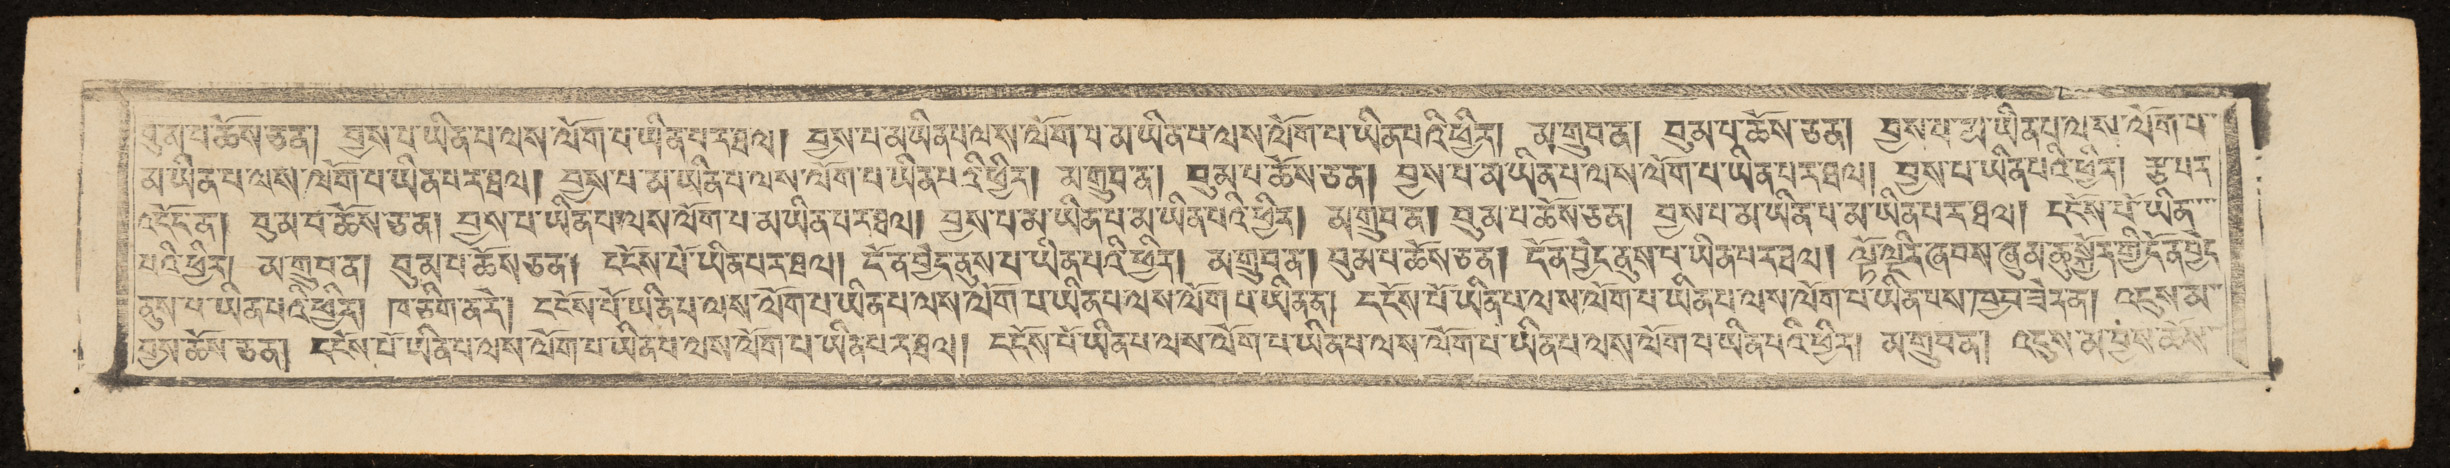བུམ་པ་ཆོས་ཅན། བྱས་པ་ཡིན་པ་ལས་ལོག་པ་ཡིན་པར་ཐལ། བྱས་པ་མ་ཡིན་པ་ལས་ལོག་པ་མ་ཡིན་པ་ལས་ལོག་པ་ཡིན་པའི་ཕྱིར། མ་གྲུབ་ན། བུམ་པ་ཆོས་ཅན། བྱས་པ་མ་ཡིན་པ་ལས་ལོག་པ་
མ་ཡིན་པ་ལས་ལོག་པ་ཡིན་པར་ཐལ། བྱས་པ་མ་ཡིན་པ་ལས་ལོག་པ་ཡིན་པའི་ཕྱིར། མ་གྲུབ་ན། བུམ་པ་ཆོས་ཅན། བྱས་པ་མ་ཡིན་པ་ལས་ལོག་པ་ཡིན་པར་ཐལ། བྱས་པ་ཡིན་པའི་ཕྱིར། རྩ་བར་
འདོད་ན། བུམ་པ་ཆོས་ཅན། བྱས་པ་ཡིན་པ་ལས་ལོག་པ་མ་ཡིན་པར་ཐལ། བྱས་པ་མ་ཡིན་པ་མ་ཡིན་པའི་ཕྱིར། མ་གྲུབ་ན། བུམ་པ་ཆོས་ཅན། བྱས་པ་མ་ཡིན་པ་མ་ཡིན་པ་མ་ཡིན་པར་ཐལ། དངོས་པོ་ཡིན་
པའི་ཕྱིར། མ་གྲུབ་ན། བུམ་པ་ཆོས་ཅན། དངོས་པོ་ཡིན་པར་ཐལ། དོན་བྱེད་ནུས་པ་ཡིན་པའི་ཕྱིར། མ་གྲུབ་ན། བུམ་པ་ཆོས་ཅན། དོན་བྱེད་ནུས་པ་ཡིན་པར་ཐལ། ལྟོ་ལྡིར་ཞབས་ཞུམ་ཆུ་སྐྱོར་གྱི་དོན་བྱེད་
ནུས་པ་ཡིན་པའི་ཕྱིར། ཁ་ཅིག་ན་རེ། དངོས་པོ་ཡིན་པ་ལས་ལོག་པ་ཡིན་པ་ལས་ལོག་པ་ཡིན་པ་ལས་ལོག་པ་ཡིན་ན། དངོས་པོ་ཡིན་པ་ལས་ལོག་པ་ཡིན་པ་ལས་ལོག་པ་ཡིན་པས་ཁྱབ་ཟེར་ན། འདུས་མ་
བྱས་ཆོས་ཅན། དངོས་པོ་ཡིན་པ་ལས་ལོག་པ་ཡིན་པ་ལས་ལོག་པ་ཡིན་པར་ཐལ། དངོས་པོ་ཡིན་པ་ལས་ལོག་པ་ཡིན་པ་ལས་ལོག་པ་ཡིན་པ་ལས་ལོག་པ་ཡིན་པའི་ཕྱིར། མ་གྲུབ་ན། འདུས་མ་བྱས་ཆོས་